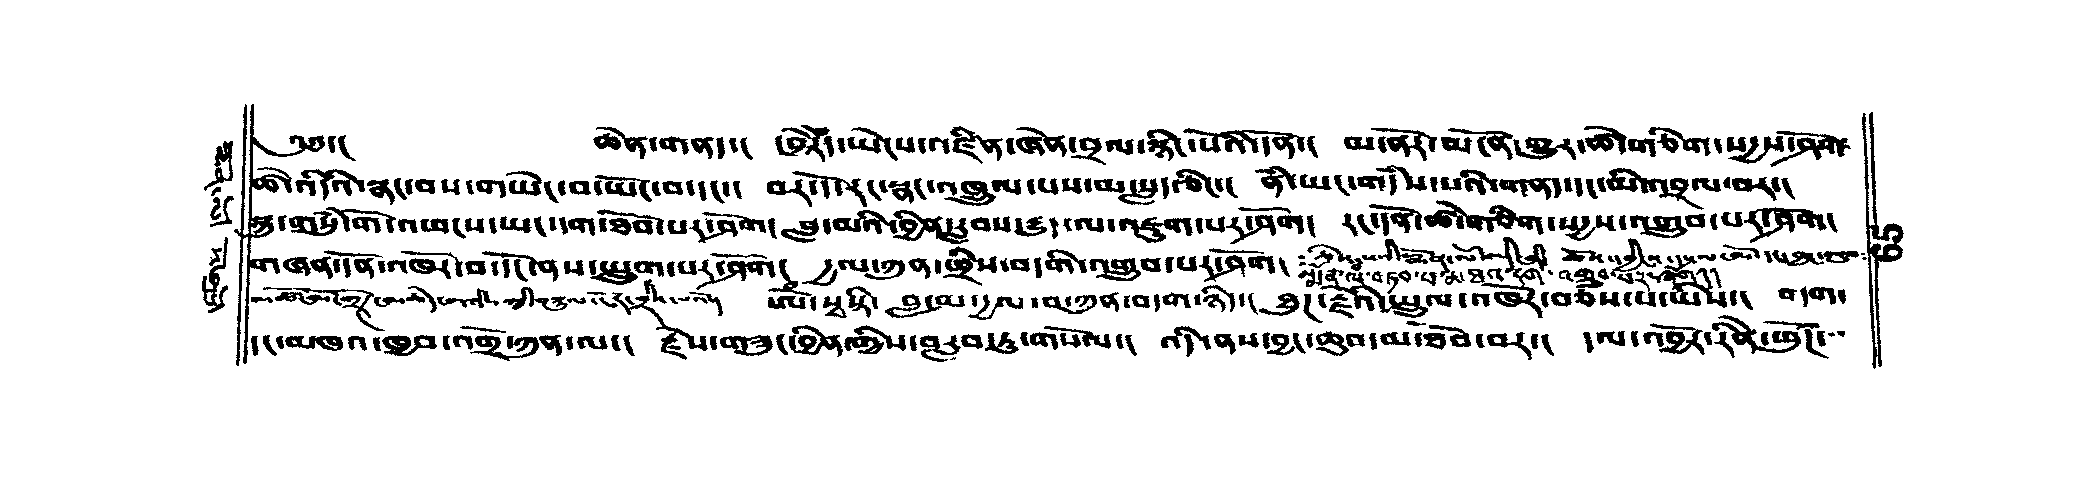ཆེན་གནད། །དབྱེར་མེད་ཡེངས་འཛིན་ཞེན་བྲལ་སྙིང་པོའི་དོན། །མ་ནོར་མངོན་གྱུར་ཚེ་གཅིག་སངས་རྒྱས་ཤོག །
ཚེ་འདིའི་སྣང་བས་གཡེང་བ་སྤོང་བ་དང་། །བར་དོ་རང་སྣང་འཁྲུལ་པས་མ་སླད་ཅིང་། །ནམ་ཡང་གདམས་པའི་གནད་དང་མི་འབྲལ་བར། །
སྐུ་གསུམ་གོ་འཕང་ཡང་དག་ཐོབ་པར་ཤོག །བླ་མའི་བྱིན་རླབས་རྒྱུད་ལ་འཇུག་པར་ཤོག །རང་དོན་ཚེ་གཅིག་སངས་རྒྱས་འགྲུབ་པར་ཤོག །
གཞན་དོན་འཁོར་བ་དོང་ནས་སྤྲུགས་པར་ཤོག །རྒྱལ་ཀུན་ཕྲིན་ལས་བདག་གི་འགྲུབ་པར་ཤོག །སྨོན་ལམ་བཏབ་པ་མཐའ་དག་འགྲུབ་པར་ཤོག ཅེས་པའི་སྨོན་ལམ་འདི་ནི་ཆོས་དབྱིངས་དཔལ་མོ་དང་བྱང་ཆུབ་
མཚོ་མོ་གྲོགས་མཆེད་གཉིས་ཀྱི་བསྐུལ་ངོར་བྲིས་པའོ།། ཨོཾ་སྭསྟི། བླ་མ་རྒྱལ་བ་ཀུན་བདག་ཉིད། །ཐུགས་རྗེའི་སྤྲུལ་འཁོར་བཅས་པ་ཡིས། །བདག་
དང་མཁའ་ཁྱབ་འགྲོ་ཀུན་ལ། །རྗེས་བཟུང་བྱིན་གྱིས་བརླབ་ཏུ་གསོལ། །འདི་ནས་བྱང་ཆུབ་མ་ཐོབ་བར། དལ་འབྱོར་རིན་ཆེན་ཕུན་ཚོགས་